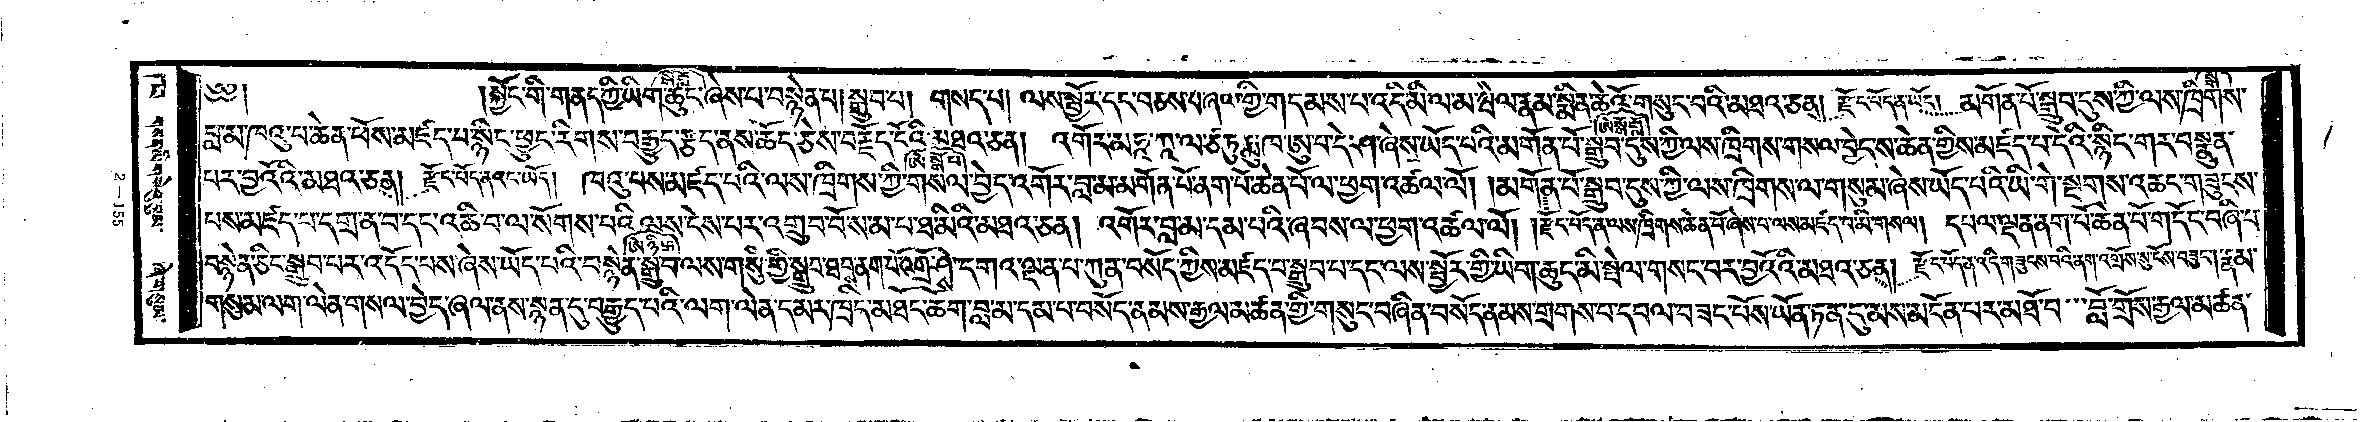༄༅། །སྐྱོང་གི་གནད་ཀྱི་ཡིག་ཆུང་ཞེས་པ་བསྙེན་པ། སྒྲུབ་པ། གསད་པ། ལས་སྦྱོར་དང་བཅས་པ་ཞལ་གྱི་གདམས་པ་འདི་མི་ལ་མ་ཝཻལ་རྣམ་སྨིན་ཆེའོ་གསུང་བའི་མཐའ་ཅན། རྫོང་པོད་ན་ཡོད།  མགོན་པོ་སྒྲུབ་དུས་ཀྱི་ལས་ཁྲིགས་
བླ་མ་ཁའུ་པ་ཆེན་ཕོས་མཛད་པ་སྙིང་ཕྱུང་རིགས་བརྒྱུད་རྩད་ནས་ཆོས་ཅེས་བརྗོད་པོའི་མཐའ་ཅན། འགོར་མཧཱ་ཀཱ་ལ་ཙ་ཏུ་རྨུ་ཁ་ཨུ་པ་དེ་ཤ་ཞེས་ཡོད་པའི་མགོན་པོ་སྒྲུབ་དུས་ཀྱི་ལས་ཁྲིགས་གསལ་བྱེད་ས་ཆེན་གྱིས་མཛད་པ་དེའི་སྙིང་གར་བསྣུན་
པར་བྱའོའི་མཐའ་ཅན། རྫོད་པོད་ནའང་ཡོད།  ཁའུ་པས་མཛད་པའི་ལས་ཁྲིགས་ཀྱི་གསལ་བྱེད་འགོར་བླ་མ་མགོན་པོ་ནག་པོ་ཆེན་པོ་ལ་ཕྱག་འཚལ་ལོ། །མགོན་པོ་།རྫོང་དཔོན་ལས་ཀྲྷིགས་ཆེན་པོ་ཞེས་པ་ལས་མཛད་པ་མི་གསལ།  པོ་སྒྲུབ་དུས་ཁྲིགས་ལ་གསུམ་ཞེས་ཡོད་པའི་ཡི་གེ་སྔགས་འཆང་གཟུངས་
པས་མཛད་པ་དགྲ་ན་པ་དང་འཆི་བ་ལ་སོགས་པའི་ལས་དེས་པར་འགྲུབ་བོ་ས་མ་ཐ་མིའི་མཐའ་ཅན། འགོར་བླ་མ་དམ་པའི་ཞབས་ལ་ཕྱག་འཚལ་ལོ། དཔལ་ལྡན་ནག་པོ་ཆེན་པོ་གདོང་བཞི་པ་
བསྙེན་ཅིང་སྒྲུབ་པར་འདོད་པས་ཞེས་ཡོད་པའི་བསྙེན་སྒྲུབ་ལས་གསུཾ་གྱི་སྒྲུབ་ཐབས་ནག་པོ་འགྲོ་ཤེས་དགའ་ལྡན་པ་ཀུན་བསོད་ཀྱིས་མཛད་པ་སྒྲུབ་པ་དང་ལས་སྦྱོར་གྱི་ཡིག་ཆུང་མི་སྤེལ་གསང་བར་བྱའོའི་མཐའ་ཅན་རྫོང་པོད་ན་འདི་གཟུངས་བའི་ནག་འགྲོས་སུ་ངོས་བཟུང་།  རྣམ་
གསུམ་ལག་ལེན་གསལ་བྱེད་ཞལ་ནས་སྙན་དུ་བརྒྱུད་པའི་ལག་ལེན་དམར་ཁྲིད་མཐོང་ཆོག་བླ་མ་དམ་པ་བསོད་ནམས་རྒྱལ་མཚན་གྱི་གསུང་བཞིན་བསོད་ནམས་གྲགས་པ་དཔལ་བཟང་པོས་ཡོན་ཏན་དུ་མས་མངོན་པར་མཐོ་བ་བློ་གྲོས་རྒྱལ་མཚན་